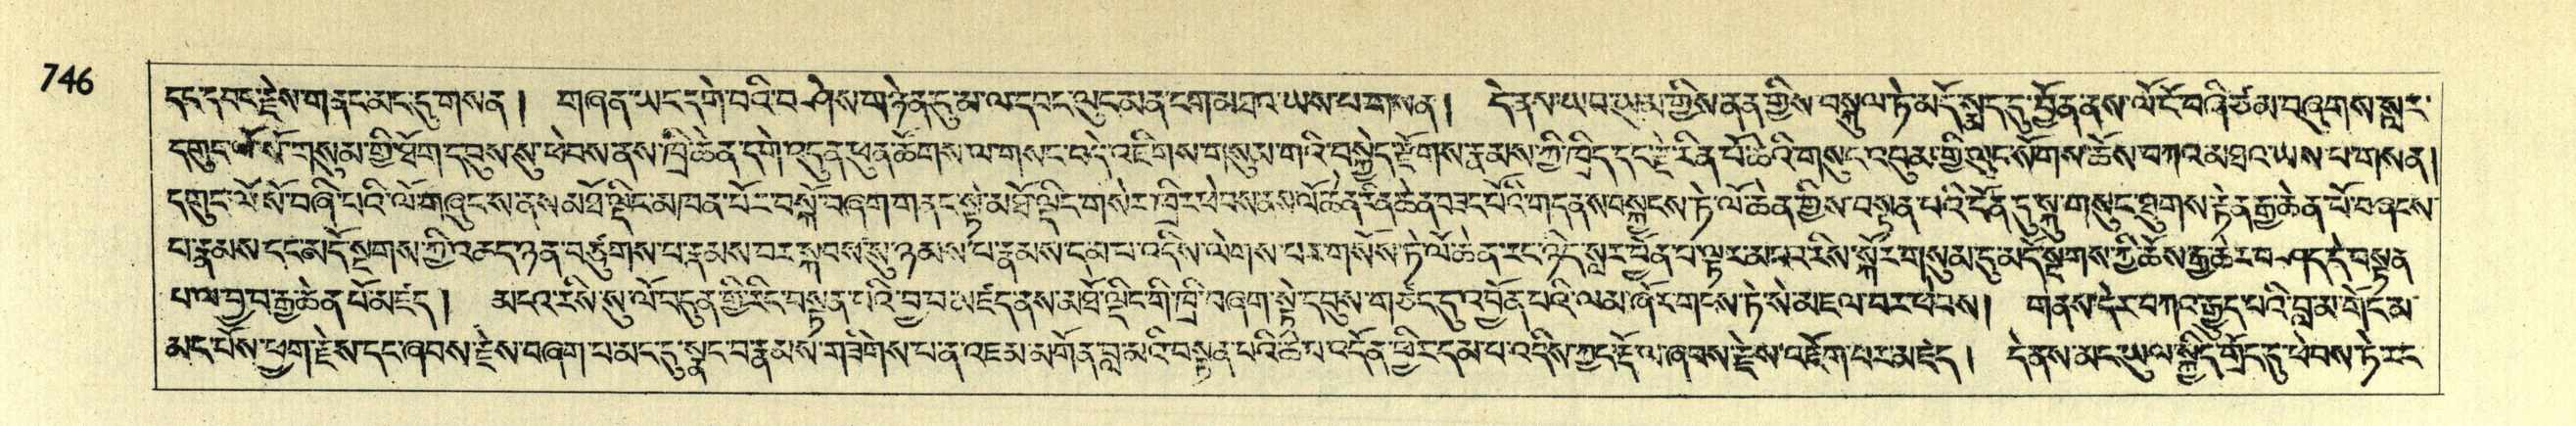དང་དབང་རྗེས་གནང་མང་དུ་གསན། གཞན་ཡང་དགེ་བའི་བཤེས་གཉེན་དུ་མ་ལ་དབང་ལུང་མན་ངག་མཐའ་ཡས་པ་གསན། དེ་ནས་ཡབ་ཡུམ་གྱིས་ནན་གྱིས་བསྐུལ་ཏེ་མདོ་སྨད་དུ་བྱོན་ནས་ལོ་ངོ་བཞི་ཙམ་བཞུགས་སླར་
དགུང་ལོ་སོ་གསུམ་གྱི་ཐོག་དབུས་སུ་ཕེབས་ནས་ཁྲི་ཆེན་དགེ་འདུན་ཕུན་ཚོགས་ལ་གསང་བདེ་འཇིགས་གསུམ་གའི་བསྐྱེད་རྫོགས་རྣམས་ཀྱི་ཁྲིད་དང་རྗེ་རིན་པོ་ཆེའི་གསུང་འབུམ་གྱི་ལུང་སོགས་ཆོས་བཀའ་མཐའ་ཡས་པ་གསན།
དགུང་ལོ་སོ་བཞི་པའི་ལོ་གཞུངས་ནས་མཐོ་ལྡིང་མཁན་པོར་བསྐོ་བཞག་གནང་སྟེ་མཐོ་ལྡིང་གསེར་ཁྲིར་ཕེབས་ནས་ལོ་ཆེན་རིན་ཆེན་བཟང་པོའི་གདན་ས་བསྐྱངས་ཏེ་ལོ་ཆེན་གྱི་བསྟན་པའི་དོན་དུ་སྐུ་གསུང་ཐུགས་རྟེན་རྒྱ་ཆེན་པོ་བཞངས་
བ་རྣམས་དང་མདོ་སྔགས་ཀྱི་འཆད་ཉན་བཙུགས་པ་རྣམས་བར་སྐབས་སུ་ཉམས་པ་རྣམས་དམ་པ་འདིས་ལེགས་པར་གསོས་ཏེ་ལོ་ཆེན་རང་ཉིད་སླར་བྱོན་པ་ལྟར་མངའ་རིས་སྐོར་གསུམ་དུ་མདོ་སྔགས་ཀྱི་ཆོས་རྒྱ་ཆེར་བཤད་དེ་བསྟན་
པ་ལ་བྱ་བ་རྒྱ་ཆེན་པོ་མཛད། མངའ་རིས་སུ་ལོ་བདུན་གྱི་རིང་བསྟན་པའི་བྱ་བ་མཛད་ནས་མཐོ་ལྡིང་གི་ཁྲི་བཞག་སྟེ་དབུས་གཙང་དུ་འབྱོན་པའི་ལམ་ཞོར་གངས་ཏེ་སེ་མཇལ་བར་ཕེབས། གནས་དེར་བཀའ་རྒྱུད་པའི་བླ་མ་གོང་མ་
མང་པོས་ཕྱག་རྗེས་དང་ཞབས་རྗེས་བཞག་པ་མང་དུ་སྣང་བ་རྣམས་གཟིགས་པ་ན་འཇམ་མགོན་བླ་མའི་བསྟན་པའི་ཆེ་བ་འདོན་ཕྱིར་དམ་པ་འདིས་ཀྱང་རྡོ་ལ་ཞབས་རྗེས་འཇོག་པར་མཛད། དེ་ནས་མང་ཡུལ་སྐྱིད་གྲོང་དུ་ཕེབས་ཏེ་རང་